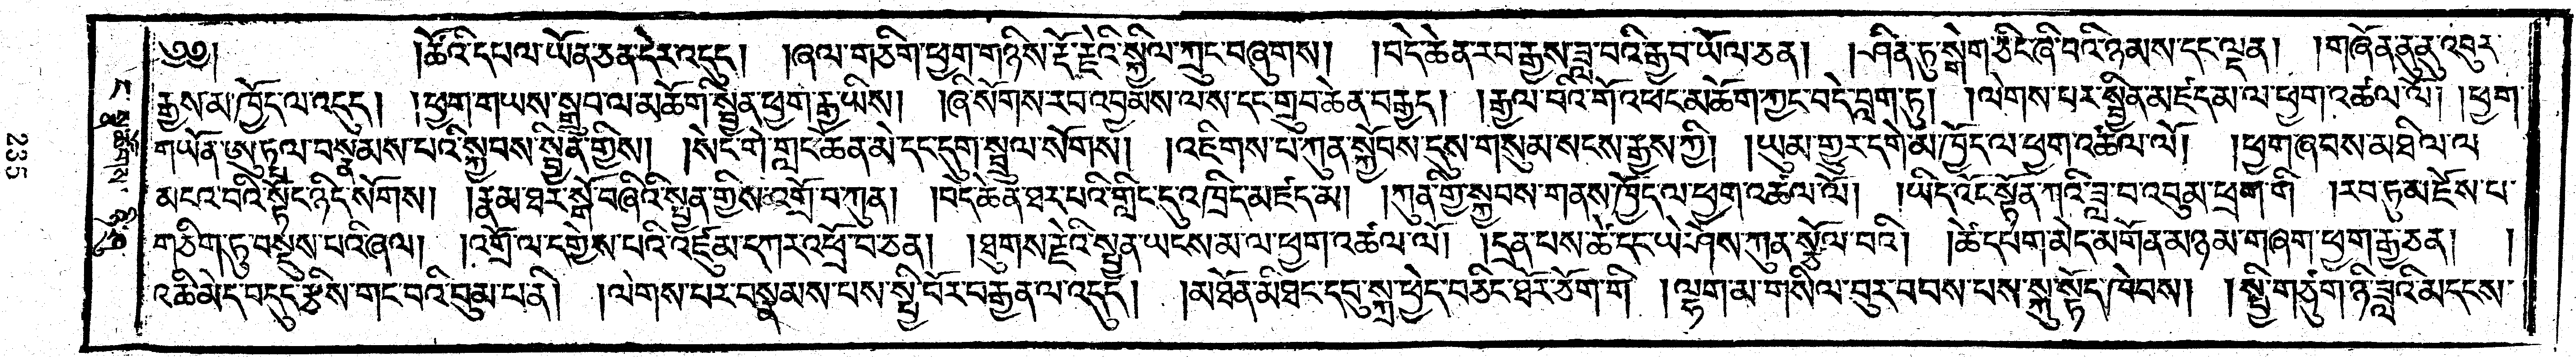༄༅། །ཚོའི་དཔལ་ཡོན་ཅན་དེར་འདུད། །ཞལ་གཅིག་ཕྱག་གཉིས་རྡོ་རྗེའི་སྐྱིལ་ཀྲུང་བཞུགས། །བདེ་ཆེན་རབ་རྒྱས་ཟླ་བའི་རྒྱབ་ཡོལ་ཅན། །ཤིན་ཏུ་སྒེག་ཅིང་ཞི་བའི་ཉམས་དང་ལྡན། །གཞོན་ནུ་ནུ་འབུར་
རྒྱས་མ་ཁྱོད་ལ་འདུད། །ཕྱག་གཡས་སྒྲུབ་ལ་མཆོག་སྦྱིན་ཕྱག་རྒྱ་ཡིས། །ཞི་སོགས་རབ་འབྱམས་ལས་དང་གྲུབ་ཆེན་བརྒྱད། །རྒྱལ་བའི་གོ་འཕང་མཆོག་ཀྱང་བདེ་བླག་ཏུ། །ལེགས་པར་སྦྱིན་མཛད་མ་ལ་ཕྱག་འཚལ་ལོ། །ཕྱག་
གཡོན་ཨུཏྤལ་བསྣམས་པའི་སྐྱབས་སྦྱིན་གྱིས། །སེང་གེ་གླང་ཆེན་མེ་དང་དུག་སྦྲུལ་སོགས། །འཇིགས་པ་ཀུན་སྐྱོབས་དུས་གསུམ་སངས་རྒྱས་ཀྱི། །ཡུམ་གྱུར་དགེ་མ་ཁྱོད་ལ་ཕྱག་འཚལ་ལོ། །ཕྱག་ཞབས་མཐིལ་ལ་
མངའ་བའི་སྟོང་ཉིད་སོགས། །རྣམ་ཐར་སྒོ་བཞིའི་སྤྱན་གྱིས་འགྲོ་བ་ཀུན། །བདེ་ཆེན་ཐར་པའི་གླིང་དུ་འཁྲིད་མཛད་མ། །ཀུན་གྱི་སྐྱབས་གནས་ཁྱོད་ལ་ཕྱག་འཚལ་ལོ། །ཡིད་འོང་སྟོན་ཀའི་ཟླ་བ་འབུམ་ཕྲག་གི །རབ་ཏུ་མཛེས་པ་
གཅིག་ཏུ་བསྡུས་པའི་ཞལ། །འགྲོ་ལ་དགྱེས་པའི་འཛུམ་དཀར་འཕྲོ་བ་ཅན། །ཐུགས་རྗེའི་སྤྱན་ཡངས་མ་ལ་ཕྱག་འཚལ་ལོ། །དྲན་པས་ཚེ་དང་ཡེ་ཤེས་ཀུན་སྩོལ་བའི། །ཚེ་དཔག་མེད་མགོན་མཉམ་གཞག་ཕྱག་རྒྱ་ཅན། །
འཆི་མེད་བདུད་རྩིས་གང་བའི་བུམ་པ་ནི། །ལེགས་པར་བསྣམས་པས་སྤྱི་བོར་བརྒྱན་ལ་འདུད། །མཐོན་མཐིང་དབུ་སྐྲ་ཕྱེད་བཅིང་ཐོར་ཅོག་གི །ལྷག་མ་གསིལ་བུར་བབས་པས་སྐུ་སྟོད་ཁེབས། །སྤྱི་གཙུག་ཉི་ཟླའི་མདངས་